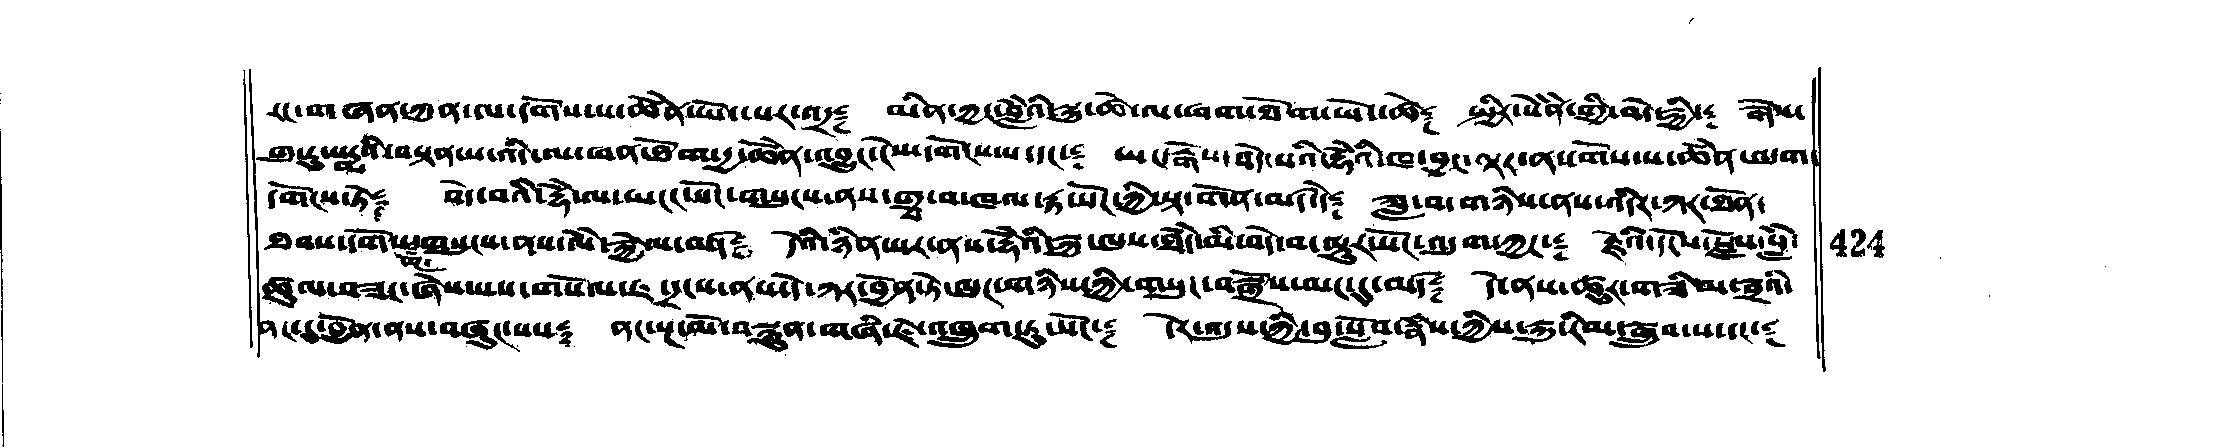རང་གཞན་ཀུན་ལ་དགོས་པ་ཆེན་པོ་ཡོད་པ་འདྲ། མིན་ཀྱང་བླ་མའི་སྐུ་ཚེ་ལ་ཁག་ཐོག་ཡོད་ཚེ། སྤྱིར་སེམས་ཅན་གྱི་བདེ་སྐྱིད། སྒོས་
གུ་རུ་པདྨའི་བསྟན་པ་འདི་ལ་ཕན་ཐོག་རྒྱ་ཆེན་པོ་འབྱུང་ངེས་དགོངས་པ་དང་།ཡང་སྒོས་བདེ་བའི་རྡོ་རྗེའི་ཁ་བྱང་ལྟར་ན་དགོས་པ་ཆེན་པོ་འདུག་
དགོངས་ཏེ། བདེ་བའི་རྡོ་རྗེ་ལ་ཡང་ཡང་སོང་གསུངས་ནས་གྲྭ་པ་ཁལ་རྟ་སོགས་ཀྱི་སྟ་གོན་མཛད་དེ། ཟླ་བ་གཉིས་ནས་འདིར་ཀར་ཐོན་
ཐབས་དགོས་སོགས་གསུངས་ནས་ལམ་སྐྱེལ་མཛད། དེའི་ཉིན་པར་ནས་རྡོ་རྗེའི་སྐུ་ལུས་ཐམས་ཅད་མི་བདེ་བ་ལྟ་བུར་སོང་འདུག་ཀྱང་། རྗེའི་དངོས་སློབ་བླ་མ་
ཚུལ་བཟང་ཞེས་པས་གསོལ་ཇ་དྲངས་ནས་དེ་ཀར་བྱོན་ཏེ་ལུགས་གཉིས་ཀྱི་གསུང་སྒྲོས་མང་དུ་མཛད། དེ་ནས་ཚུར་གཟིམ་སྦྲའི་
ནང་དུ་བྱོན་ནས་བཞུགས་པས། ནངས་སྔ་མོ་བསྙུན་གཞི་ཇེ་འཁྲུག་ཏུ་སོང་། དེར་འདུས་ཀྱི་བུ་སློབ་རྣམས་ཀྱིས་སྐུ་རིམ་སྒྲུབ་པ་དང་།